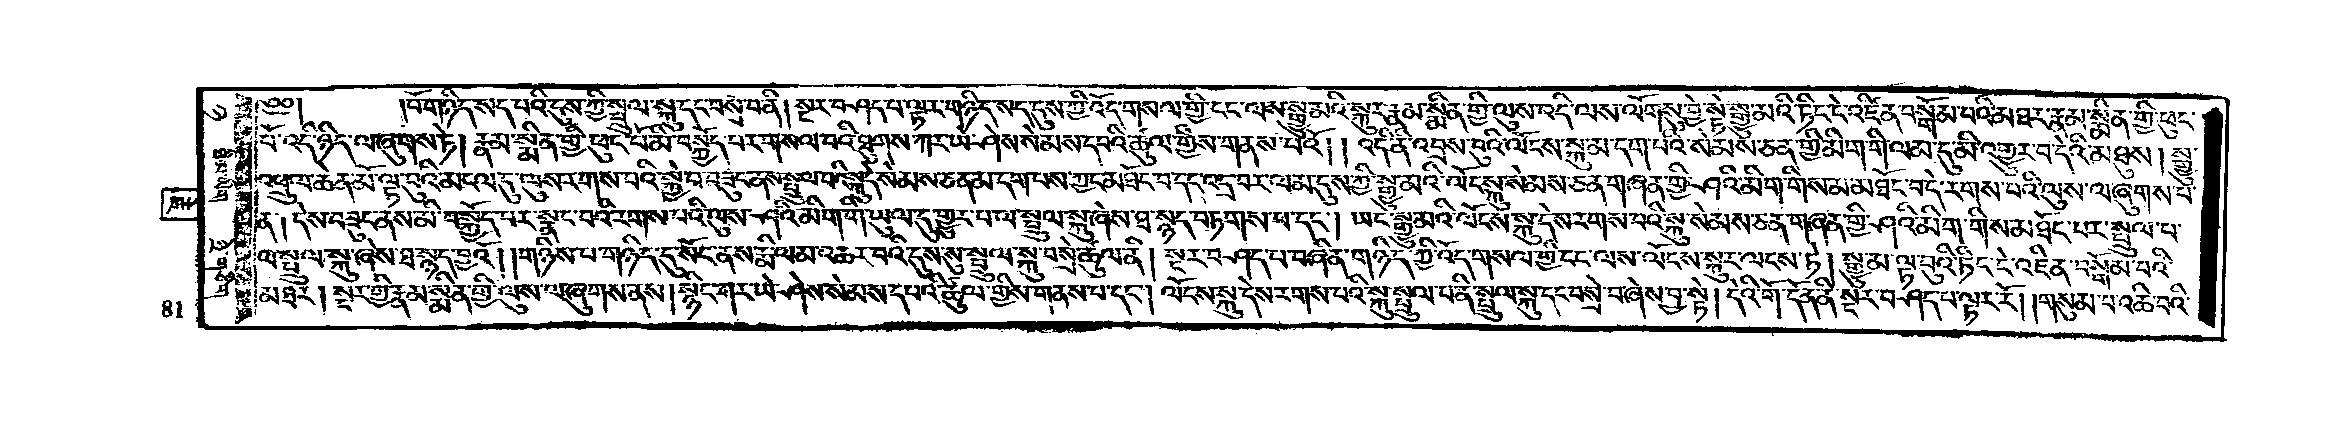༄༅། །པོ་གཉིད་སད་པའི་དུས་ཀྱི་སྤྲུལ་སྐུ་དང་བསྲེ་བ་ནི། སྔར་བཤད་པ་ལྟར་གཉིད་སད་དུས་ཀྱི་འོད་གསལ་གྱི་ངང་ལས་སྒྱུ་མའི་སྐུར་རྣམ་སྨིན་གྱི་ལུས་འདི་ལས་ལོགས་སུ་བྱེ་སྟེ་སྒྱུ་མའི་ཏིང་ངེ་འཛིན་བསྒོམ་པའི་མཐར་རྣམ་སྨིན་གྱི་ཕུང་
པོ་འདི་ཉིད་ལ་ཞུགས་ཏེ། རྣམ་སྨིན་གྱི་ཕུང་པོ་མི་བསྐྱོད་པར་གསལ་བའི་ཐུགས་ཀར་ཡེ་ཤེས་སེམས་དཔའི་ཚུལ་གྱིས་གནས་པའོ། །འདི་ནི་འབྲས་བུའི་ལོངས་སྐུ་མ་དག་པའི་སེམས་ཅན་གྱི་མིག་གི་ལམ་དུ་མི་འགྱུར་བ་དེའི་མཐུས། སྒྱུ་
འཕྲུལ་ཆེན་མོ་ལྟ་བུའི་མངལ་དུ་ལུས་རགས་པའི་སྐྱེ་བ་བཟུང་ནས་སྤྲུལ་པའི་སྐུ་དེ་སེམས་ཅན་མ་དག་པས་ཀྱང་མཐོང་བ་དང་འདྲ་བར་ལམ་དུས་ཀྱི་སྒྱུ་མའི་ལོང་སྐུ་སེམས་ཅན་གཞན་གྱི་ཤའི་མིག་གིས་མ་མཐོང་བ་དེ་རགས་པའི་ལུས་ལ་ཞུགས་པ་
ན། དེས་བཟུང་ནས་མི་བསྐྱོད་པར་སྣང་བའི་རགས་པའི་ལུས་ཤའི་མིག་གི་ཡུལ་དུ་གྱུར་པ་ལ་སྤྲུལ་སྐུ་ཞེས་ཐ་སྙད་བཏགས་པ་དང་། ཡང་སྒྱུ་མའི་ལོངས་སྐུ་དེས་རགས་པའི་སྐུ་སེམས་ཅན་གཞན་གྱི་ཤའི་མིག་གིས་མཐོང་བར་སྤྲུལ་པ་
ལ་སྤྲུལ་སྐུ་ཞེས་ཐ་སྙད་བྱའོ། །གཉིས་པ་གཉིད་དུ་སོང་ནས་རྨི་ལམ་འཆར་བའི་དུས་སུ་སྤྲུལ་སྐུ་བསྲེ་ཚུལ་ནི། སྔར་བཤད་པ་བཞིན་གཉིད་ཀྱི་འོད་གསལ་གྱི་ངང་ལས་ལོངས་སྐུར་ལངས་ཏེ། སྒྱུ་མ་ལྟ་བུའི་ཏིང་ངེ་འཛིན་བསྒོམ་པའི་
མཐར། སྔར་གྱི་རྣམ་སྨིན་གྱི་ལུས་ལ་ཞུགས་ནས། སྙིང་གར་ཡེ་ཤེས་སེམས་དཔའི་ཚུལ་གྱིས་གནས་པ་དང་། ལོངས་སྐུ་དེས་རགས་པའི་སྐུ་སྤྲུལ་པ་ནི་སྤྲུལ་སྐུ་དང་བསྲེ་བ་ཞེས་བྱ་སྟེ། དེའི་གོ་དོན་ནི་སྔར་བཤད་པ་ལྟར་རོ། །གསུམ་པ་འཆི་བའི་